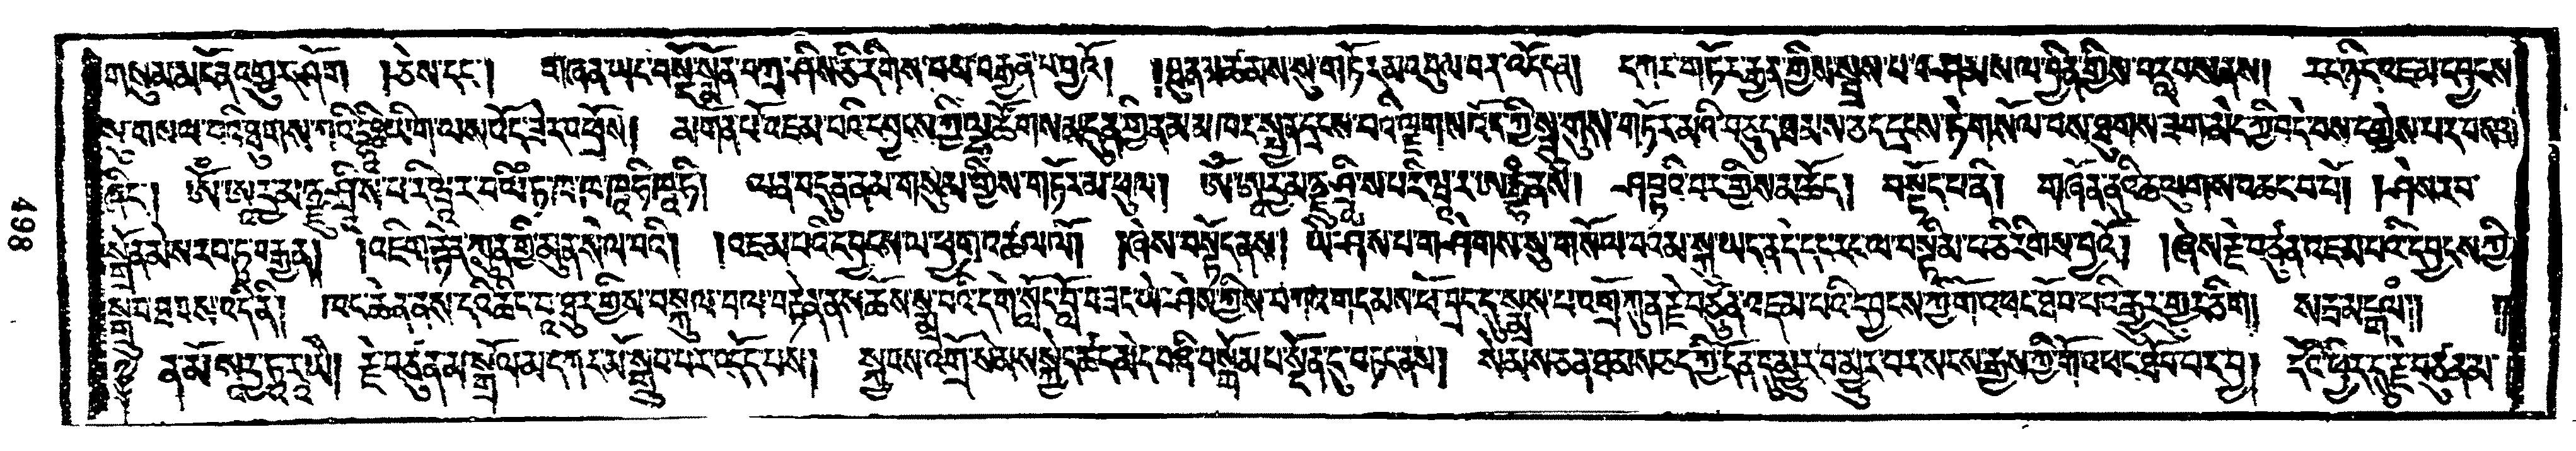གསུམ་མངོན་འགྱུར་ཤོག །ཅེས་དང་། གཞན་ཡང་བསྔོ་སྨོན་བཀྲ་ཤིས་ཅི་རིགས་བས་བརྒྱན་པ་བྱའོ། །ཐུན་མཚམས་སུ་གཏོར་མ་འབུལ་བར་འདོད་ན། དཀར་གཏོར་རྒྱན་གྱིས་སྤྲས་པ་བཤམས་ལ་བྱིན་གྱིས་བརླབས་ནས། རང་ཉིད་འཇམ་དབྱངས་
སུ་གསལ་བའི་ཐུགས་ཀའི་དྷཱིཿཡིག་ལས་འོད་ཟེར་འཕྲོས། མགོན་པོ་འཇམ་པའི་དབྱངས་ཀྱི་ལྷ་ཚོགས་མདུན་གྱི་ནམ་མཁར་སྤྱན་དྲངས་བའི་ལྗགས་འོད་ཀྱི་སྦུ་གུས་གཏོར་མའི་བཅུད་ཐམས་ཅད་དྲངས་ཏེ་གསོལ་བས་ཐུགས་ཟག་མེད་ཀྱི་བདེ་བས་དགྱེས་པར་བསམ་
ཞིང་། ཨོཾ་ཨཱརྱ་མཉྫུ་ཤྲཱི་ས་པ་རི་ཝཱར་བ་ལིཾ་ཏ་ཁ་ཁ་ཁཱ་ཧི་ཁཱི་ཧི། ལན་བདུན་ནམ་གསུམ་གྱིས་གཏོར་མ་ཕུལ། ཨོཾ་ཨཱརྱ་མཉྫུ་ཤྲཱི་ས་པ་རི་ཝཱ་ར་ཨརྒྷཾ་ནས། ཤབྷའི་བར་གྱིས་མཆོད། བསྟོད་པ་ནི། གཞོན་ནུའི་ཆ་ལུགས་འཆང་བ་པོ། །ཤེས་རབ་
སྒྲོན་མེས་རབ་ཏུ་བརྒྱན། །འཇིག་རྟེན་ཀུན་གྱི་མུན་སེལ་བའི། །འཇམ་པའི་དབྱངས་ལ་ཕྱག་འཚལ་ལོ། །ཞེས་བསྟོད་ནས། ཡེ་ཤེས་པ་གཤེགས་སུ་གསོལ་བའམ་སྐུ་ཡང་ན་དེ་དང་རང་ལ་བསྟིམ་པ་ཅི་རིགས་བྱའོ། །ཞེས་རྗེ་བཙུན་འཇམ་པའི་དབྱངས་ཀྱི་
སྒྲུབ་ཐབས་འདི་ནི། ཁང་ཆེན་ནས་ངའི་ཆིང་བཱ་ཐུར་གྱིས་བསྐུལ་བལ་བརྟེན་ནས་ཆོས་སྨྲ་བའི་དགེ་སློང་བློ་བཟང་ཡེ་ཤེས་ཀྱིས་བཀའ་གདམས་ཕོ་བྲང་དུ་སྨྲས་པ་འགྲོ་ཀུན་རྗེ་བཙུན་འཇམ་པའི་དབྱངས་ཀྱི་གོ་འཕང་ཐོབ་པའི་རྒྱུར་གྱུར་ཅིག། སརྦ་མངྒལཾ།། །།
༈ ན་མོ་སཱརྱ་ཏཱ་རཱ་ཡཻ། རྗེ་བཙུན་མ་སྒྲོལ་མ་དཀར་མོ་སྒྲུབ་པར་འདོད་པས། སྐྱབས་འགྲོ་སེམས་སྐྱེད་ཚང་མེད་བཞི་བསྒོམ་པ་སྔོན་དུ་བཏང་ནས། སེམས་ཅན་ཐམས་ཅད་ཀྱི་དོན་དུ་མྱུར་བ་མྱུར་བར་སངས་རྒྱས་ཀྱི་གོ་འཕང་ཐོབ་པར་བྱ། དེའི་ཕྱིར་དུ་རྗེ་བཙུན་མ་